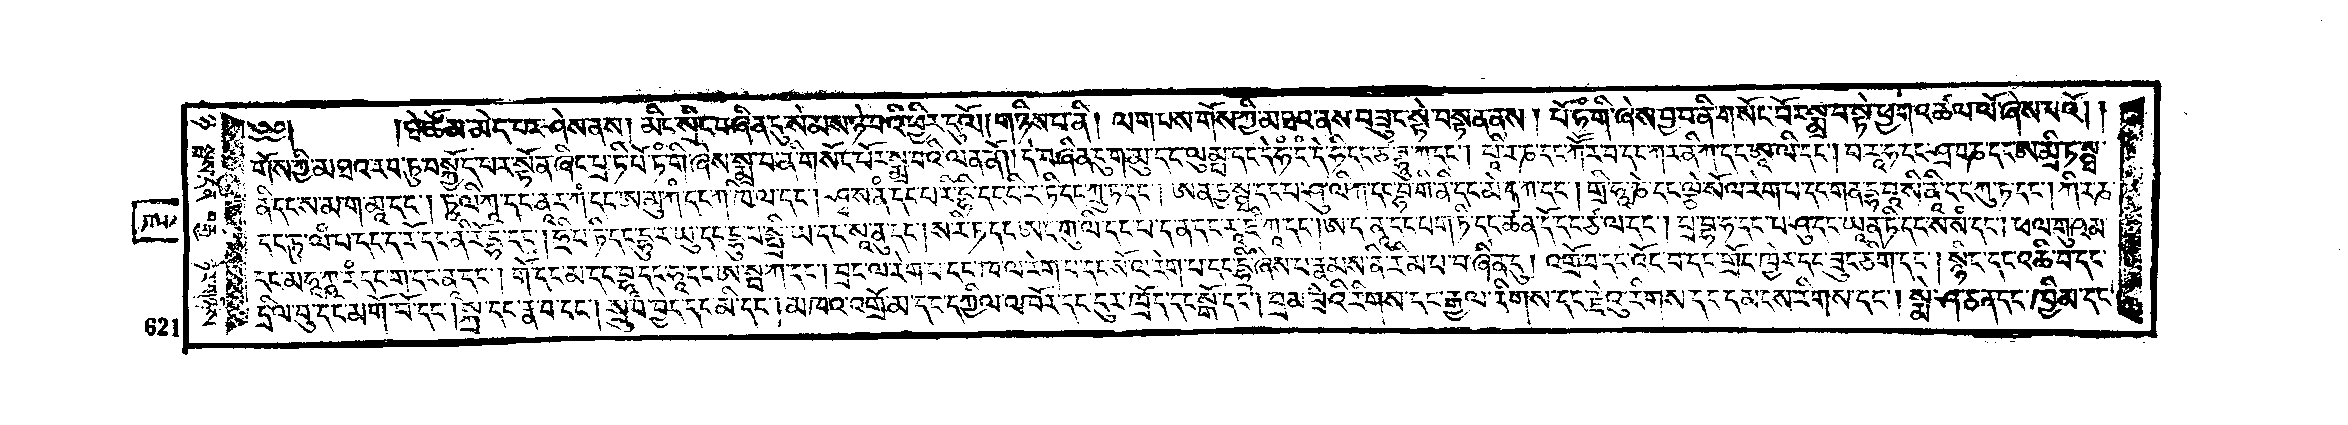༄༅། །ཐེ་ཚོམ་མེད་པར་ཤེས་ནས། མིང་སྲིད་བཞིན་དུ་སེམས་ཉེ་བའི་ཕྱིར་དུའོ། །གཉིས་པ་ནི། ལག་པས་གོས་ཀྱི་མཐའ་ནས་བཟུང་སྟེ་བསྟན་ནས། པོ་ཧཾ་གི་ཞེས་བྱ་བ་ནི་གསོང་བོར་སྨྲ་བ་སྟེ་ཕྱག་འཚལ་ལོ་ཞེས་པའོ། །
གོས་ཀྱི་མཐའ་རབ་ཏུ་བསྐྱོད་པར་སྟོན་ཞིང་པྲ་ཏི་པོ་ཏཾ་གི་ཞེས་སྨྲ་བ་ནི་གསོང་པོར་སྨྲ་བའི་ལན་ནོ། །དེ་བཞིན་དུ་ག་མུ་དང་ལུམྤ་དང་དེ་ཧཾ་ངཾ་དེ་ཧི་དང་ཙ་ཊྷཱུ་ཀ་དང་། པཱི་ར་ཎ་དང་ཀཽར་བ་དང་ཀར་ནི་ཀ་དང་ཨཱ་ལི་དང་། བ་རཱ་ཧ་དང་ཤྲ་བ་ཎ་དང་ཨ་མྲི་ཏ་སྠ་
ནི་དང་ས་མ་ག་མཱ་དང་། ཏཱ་ལི་ཀཱ་དང་ནཱ་ར་ཀཾ་དང་ཨ་མུ་ཀཾ་དང་ཀི་ཁ་ལ་དང་། ཤྭ་ས་ནཾ་དང་པ་རི་དྷི་དང་པི་ར་ཏི་དང་ཀྲུ་ཏ་དང་། ཨན་ཏྱ་སྠ་དང་པ་ཤུ་ལི་ཀ་དང་བྷ་གི་ནི་དང་མེ་ད་ཀ་དང་། གྲི་ཧཱ་ཎེ་དང་ལྕེ་སོལ་རེག་པ་དང་གན་དྷ་བཱ་སི་ནཱི་དང་ཀུ་ཏ་དང་། ཀི་ར་ཎ་
དང་ཏུ་ལཾ་པ་དང་ད་རོ་དང་ནི་རོ་དྷ་དང་། ཧྲི་པ་ཏི་དང་དྷུ་ར་ཡུ་དང་དྷུ་པ་སྤྲི་ཡ་དང་སཱ་ནུ་དང་། ས་རི་ཏ་དང་ཨང་གུ་ལི་དང་པ་ད་ན་དང་རཱ་ཛི་ཀཱ་དང་། ཨ་ད་ནཱ་དང་པག་ཏི་དང་ཚན་དོ་དང་ཙ་ལ་དང་། པྲ་བྷ་ཧ་དང་པ་ཤུ་དང་ཡཱན་ཏི་དང་ས་སཾ་དང་། ཕལ་གུ་ཥམ་
དང་མཧཱ་ཀྵ་རཾ་དང་ག་དང་ནཱ་དང་། གོ་དང་མ་དང་བྷཱ་དང་ཧཱ་དང་ཨ་སྦ་ཀ་དང་། བྲང་ལ་རེག་པ་དང་ཁ་ལ་རེག་པ་དང་སོ་ལ་རེག་པ་དང་དྷྲི་ཞེས་པ་རྣམས་ནི་རིམ་པ་བཞིན་དུ། འགྲོ་བ་དང་འོང་བ་དང་གྲོང་ཁྱེར་དང་ཟུང་ཅིག་དང་། སྙིང་དང་འཆི་བ་དང་
དྲིལ་བུ་དང་མགོ་བོ་དང་། སྐྲ་དང་རྣ་བ་དང་། སྲུབ་བྱེད་དང་མི་དང་། མཁའ་འགྲོ་མ་དང་དཀྱིལ་འཁོར་དང་དུར་ཁྲོད་དང་སྒོ་དང་། བྲམ་ཟེའི་རིགས་དང་རྒྱལ་རིགས་དང་རྗེའུ་རིགས་དང་དམངས་རིགས་དང་། སྨེ་ཤ་ཅན་དང་ཁྱིམ་དང་